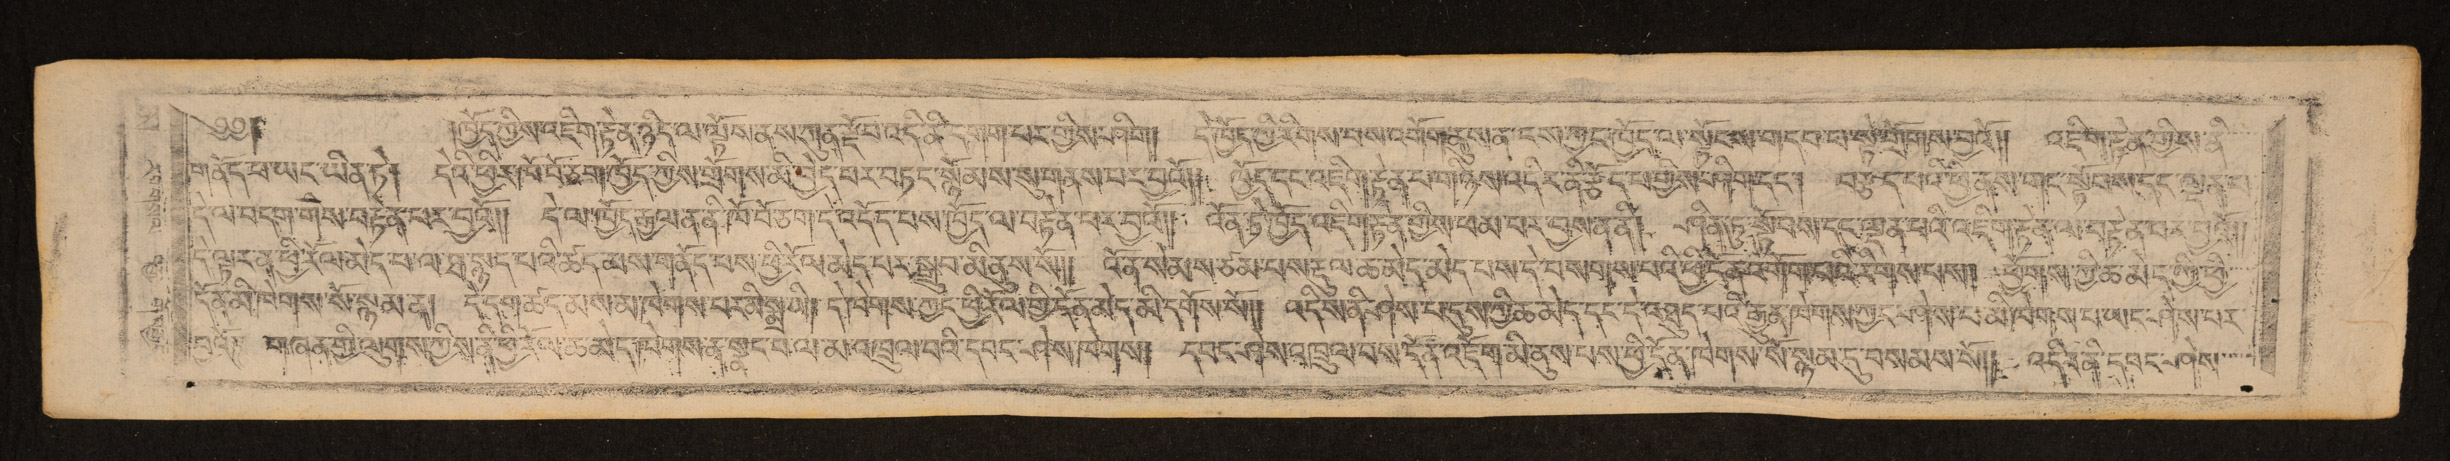༄༅། །ཁྱོད་ཀྱིས་འཇིག་རྟེན་ཉིད་ལ་ལྟོས་ནས་ཀུན་རྫོབ་འདི་ནི་དགག་པར་གྱིས་ཤིག། དེ་ཁྱོད་ཀྱི་རིགས་པས་འགོག་ནུས་ན་ངས་ཀྱང་ཁྱོད་ལ་སྟོངས་གདབ་པ་སྟེ་གྲོགས་བྱའོ།། འཇིག་རྟེན་གྱིས་ནི་
གནོད་པ་ཡང་ཡིན་ཏེ། དེའི་ཕྱིར་ཁོ་བོ་ཅག་ཁྱོད་ཀྱིས་གྲོགས་མི་བྱེད་པར་བཏང་སྙོམས་སུ་གནས་པར་བྱའོ།། ཁྱོད་དང་འཇིག་རྟེན་པ་གཉིས་འདིར་ནི་རྩོད་པ་གྱིས་ཤིག་དང་། བརྩད་པའི་ཕྱི་ནས་གང་སྟོབས་དང་ལྡན་པ་
དེ་ལ་བདག་གིས་བརྟེན་པར་བྱའོ།། དེ་ལ་ཁྱོད་རྒྱལ་ན་ནི་ཁོ་བོ་ཅག་དེ་འདོད་པས་ཁྱོད་ལ་བརྟེན་པར་བྱའོ།། འོན་ཏེ་ཁྱོད་འཇིག་རྟེན་གྱིས་ཕམ་པར་བྱས་ན་ནི། ཤིན་ཏུ་སྟོབས་དང་ལྡན་པའི་འཇིག་རྟེན་ལ་བརྟེན་པར་བྱའོ།།
དེ་ལྟར་ན་ཕྱི་རོལ་མེད་པ་ལ་ཐ་སྙད་པའི་ཚད་མས་གནོད་པས་ཕྱི་རོལ་མེད་པར་སྒྲུབ་མི་ནུས་སོ།། འོ་ན་སེམས་ཙམ་པས་རྡུལ་ཆ་མེད་མེད་པས་དེ་བསགས་པའི་ཕྱི་དོན་འགོག་པའི་རིགས་པས། ཕྱོགས་ཀྱི་ཆ་མེད་ཀྱི་ཕྱི་
དོན་མི་ཁེགས་སོ་སྙམ་ན། དེ་དག་ཚད་མས་མ་ཁེགས་པར་མ་སྨྲ་ཡི། དེ་ཁེགས་ཀྱང་ཕྱི་རོལ་གྱི་དོན་མེད་མི་དགོས་སོ།། འདིས་ནི་ཤེས་པ་དུས་ཀྱི་ཆ་མེད་དང་དེ་འཐུད་པའི་རྒྱུན་ཁེགས་ཀྱང་ཤེས་པ་མི་ཁེགས་པ་ཡང་ཤེས་པར་
བྱའོ༑༑ གཞན་གྱི་ལུགས་ཀྱིས་ནི་ཕྱི་རོལ་ཆ་མེད་ཁེགས་ན་སྣང་བ་ལ་མ་འཁྲུལ་བའི་དབང་ཤེས་ཁེགས། དབང་ཤེས་འཁྲུལ་བས་དོན་འཇོག་མི་ནུས་པས་ཕྱི་དོན་ཁེགས་སོ་སྙམ་དུ་བསམས་སོ།། འདིར་ནི་དབང་ཤེས་